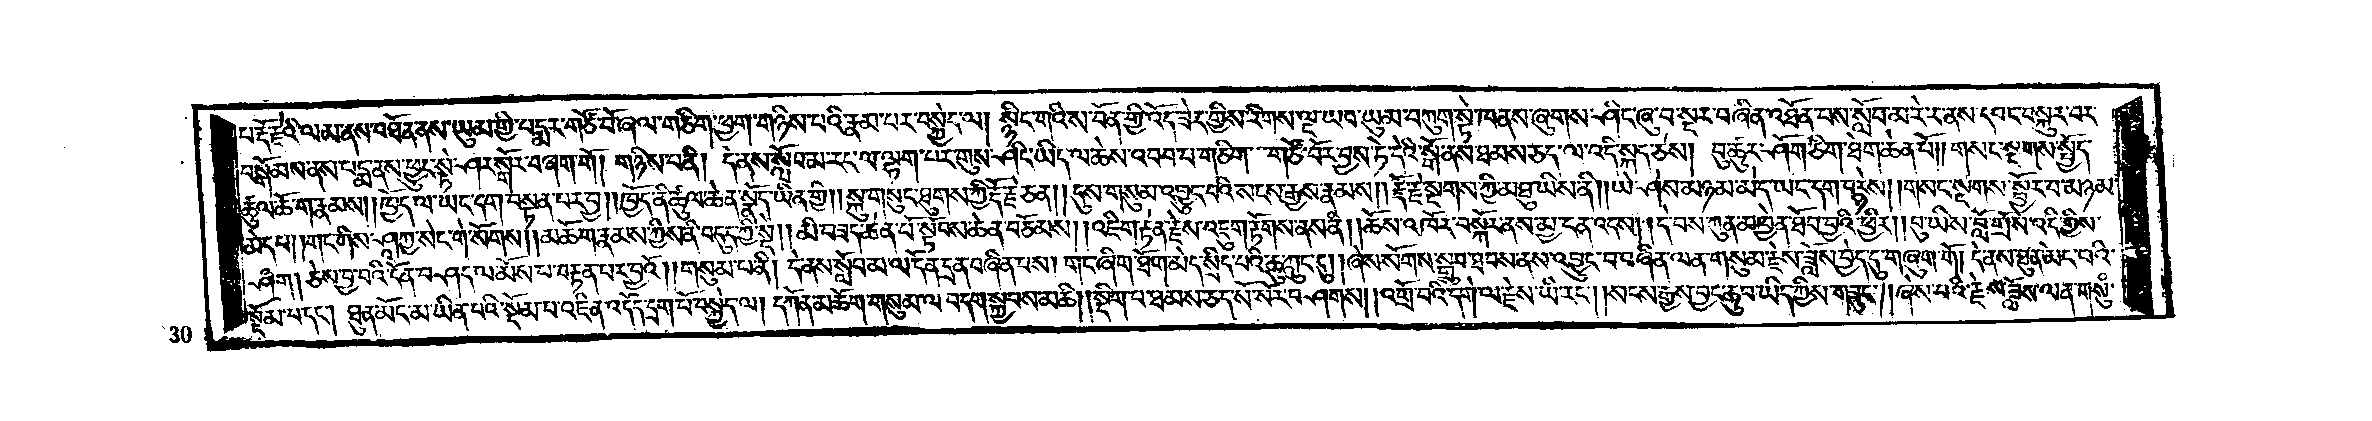པ་རྡོ་རྗེའི་ལམ་ནས་འཐོན་ནས་ཡུམ་གྱི་པདམར་གཙོ་བོ་ཞལ་གཅིག་ཕྱག་གཉིས་པའི་རྣམ་པར་བསྐྱེད་ལ། སྙིང་གའི་ས་བོན་གྱི་འོད་ཟེར་གྱིས་རིགས་ལྔ་ཡབ་ཡུམ་བཀུག་སྟེ་ཁ་ནས་ཞུགས་ཤིང་ཞུ་བ་སྔར་བཞིན་འཐོན་པས་སློབ་མ་རེ་རེ་ནས་དབང་བསྐུར་བར་
བསྒོམས་ནས་པདམ་ནས་ཕྱུང་སྟེ་ཤར་སྒོར་བཞག་གོ །གཉིས་པ་ནི། དེ་ནས་སློབ་མ་རང་ལ་ལྷག་པར་གུས་ཤིང་ཡིད་ལ་ཆེས་འབབ་པ་གཅིག་གཙོ་བོར་བྱས་ཏེ་དེའི་སྒོ་ནས་ཐམས་ཅད་ལ་འདི་སྐད་ཅེས། བུ་ཚུར་ཤོག་ཅིག་ཐེག་ཆེན་པོ། །གསང་སྔགས་སྤྱོད་
ཚུལ་ཆོ་ག་རྣམས། །ཁྱོད་ལ་ཡང་དག་བསྟན་པར་བྱ། །ཁྱོད་ནི་ཚུལ་ཆེན་སྣོད་ཡིན་གྱི། །སྐུ་གསུང་ཐུགས་ཀྱི་རྡོ་རྗེ་ཅན། །དུས་གསུམ་འབྱུང་བའི་སངས་རྒྱས་རྣམས། །རྡོ་རྗེ་སྔགས་ཀྱི་མཐུ་ཡིས་ནི། །ཡེ་ཤེས་མཉམ་མེད་ཡང་དག་བརྙེས། །གསང་སྔགས་སྦྱོར་བ་མཉམ་
མེད་པ། །གང་གིས་ཤཱཀྱ་སེང་གེ་སོགས། །མཆོག་རྣམས་ཀྱིས་ནི་བདུད་ཀྱི་སྡེ། །མི་བཟད་ཆེན་པོ་སྟོབས་ཆེན་བཅོམས། །འཇིག་རྟེན་རྗེས་འཇུག་རྟོགས་ནས་ནི། །ཆོས་འཁོར་བསྐོར་ནས་མྱ་ངན་འདས། །དེ་བས་ཀུན་མཁྱེན་ཐོབ་བྱའི་ཕྱིར། །བུ་ཡིས་བློ་གྲོས་འདི་གྱིས་
ཤིག །ཅེས་བྱ་བའི་དོན་བཤད་ལ་མོས་པ་བརྟན་པར་བྱའོ། །གསུམ་པ་ནི། དེ་ནས་སློབ་མ་ལ་དོན་དྲན་བཞིན་པས། གང་ཞིག་ཐོག་མེད་སྲིད་པའི་ཆུ་ཀླུང་དུ། །ཞེས་སོགས་སྒྲུབ་ཐབས་ནས་འབྱུང་བ་བཞིན་ལན་གསུམ་རྗེས་ཟློས་བྱེད་དུ་གཞུག་གོ། །དེ་ནས་ཐུན་མེད་པའི་
སྡོམ་པ་དང་། ཐུན་མོང་མ་ཡིན་པའི་སྡོམ་པ་འཛིན་འདོད་དྲག་པོ་བསྐྱེད་ལ། དཀོན་མཆོག་གསུམ་ལ་བདག་སྐྱབས་མཆི། །སྡིག་པ་ཐམས་ཅད་སོ་སོར་བཤགས། །འགྲོ་བའི་དགེ་ལ་རྗེས་ཡི་རང་། །སངས་རྒྱས་བྱང་ཆུབ་ཡིད་ཀྱིས་གཟུང་། །ཞེས་པའི་རྗེས་ཟློས་ལན་གསུམ་